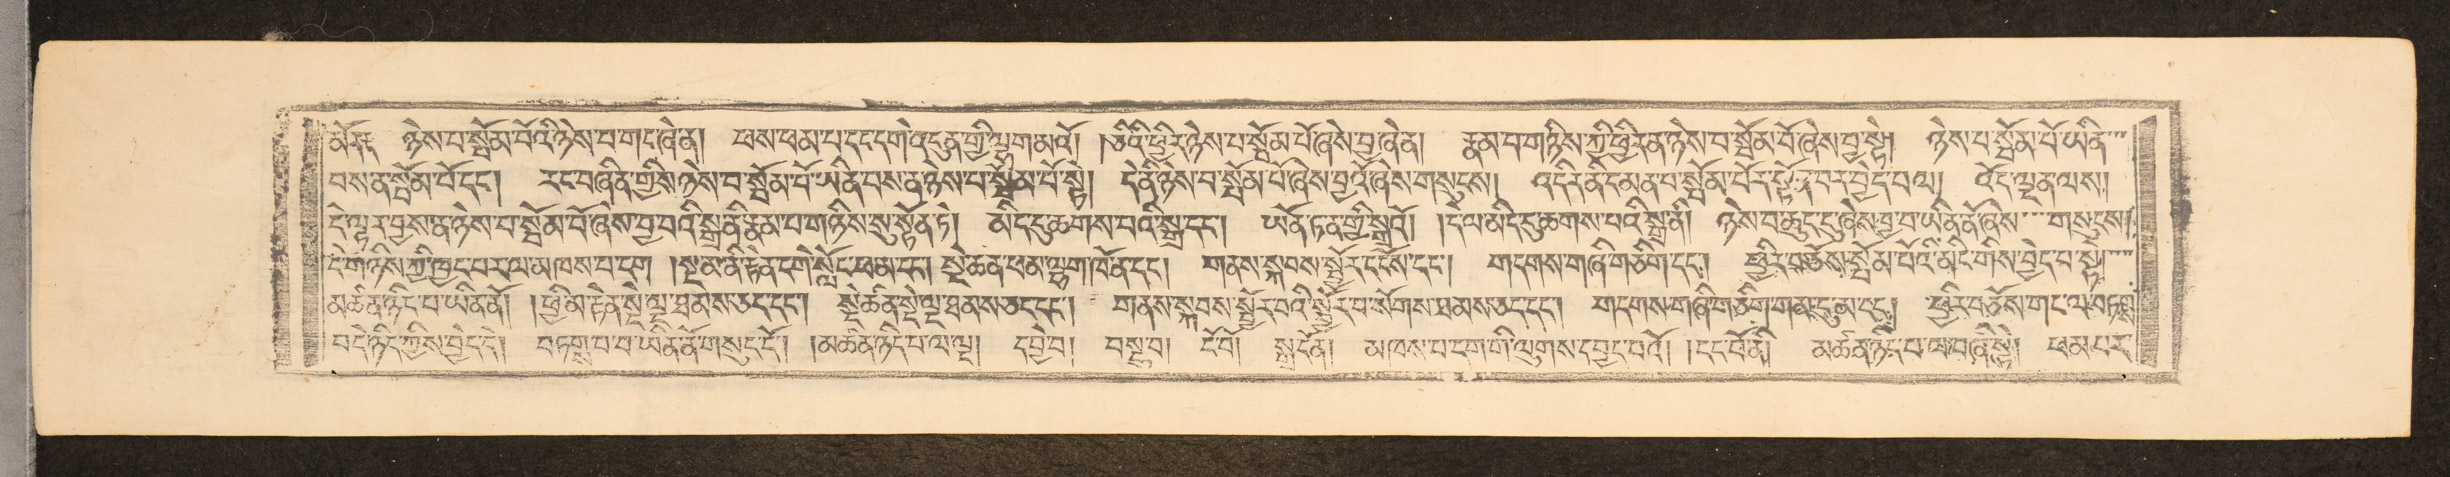མོར༑ ཉེས་པ་སྤོམ་པོའི་ཉེས་པ་གང་ཞེ་ན། ཕས་ཕམ་པ་དང་དགེ་འདུན་གྱི་ལྷག་མའོ། །ཅིའི་ཕྱིར་ཉེས་པ་སྦོམ་བོ་ཞེས་བྱ་ཞེ་ན། རྣམ་པ་གཉིས་ཀྱི་ཕྱིར་ན་ཉེས་པ་སྦོམ་པོ་ཞེས་བྱ་སྟེ། ཉེས་པ་སྦོས་པོ་ཡིན་
པས་ན་སྤོམ་པོ་དང་། རང་བཞིན་གྱིས་ཉེས་པ་སྦོམ་པོ་ཡིན་པས་ན་ཉེས་ལ་སྦོམ་པོ་སྟེ། དེ་ནི་ཉེས་པ་སྦོར་པོ་ཞེས་བྱའོ་ཞེས་གསུངས། འདིར་ནི་དམན་པ་སྦོམ་པོར་སྟོན་པར་བྱེད་པ་ལ། འོད་ལྡན་ལས།
དེ་ལྟར་བྱས་ན་ཉེས་པ་སྦོམ་པོ་ཞེས་བྱ་བའི་སྒྲ་ནི་རྣམ་པ་གཉིས་སུ་སྟོན་ཏེ། མིང་དུ་ཆགས་པའི་སྒྲ་དང་། ཡོན་ཏན་གྱི་སྒྲའོ། །དེ་ལ་མིང་དུ་ཆགས་པའི་སྒྲ་ནི། ཉེས་པ་ཆུང་ངུ་ཞེས་བྱ་བ་ཡིན་ནོ་ཞེས་གསུངས་
དེ་གཉིས་ཀྱི་ཁྱད་པར་ལ་མཁས་པ་དག །སྔ་མ་ནི་རྟེན་དགེ་སློང་ཕ་མ་དང་། སྡེ་ཚན་ཕམ་ལྷག་ཁོ་ན་དང་། གནས་སྐབས་སྦྱོར་དངོས་དང་། གདགས་གཞི་གཅིག་དང་། ཕྱིར་བཅོས་སྦོམ་པོའི་མིང་གིས་བྱེད་པ་སྟེ།
མཚན་ཉིད་པ་ཡིན་ནོ། །ཕྱི་མ་རྟེན་སྡེ་ལྔ་ཐམས་ཅད་དང་། སྡེ་ཚན་སྡེ་ལྔ་ཐམས་ཅ་དང་། གནས་སྐབས་སྦྱོར་བའི་སྦྱོར་བ་སོགས་ཐམས་ཅད། གདགས་གཞི་གཅིག་གམ་དུ་མ་དང་། ཕྱིར་བཅོམ་གང་ལ་བཏགས་
པ་དེ་ཉིད་ཀྱིས་བྱེད་དེ། བཏགས་པ་བ་ཡིན་ནོ་གསུང་གོ། །མཚན་ཉིད་པ་ལ་ལྔ། དབྱེ་བ། བསྡུ་བ། ངོ་བོ། སྒྲ་དོན། མཁས་པ་དག་གི་ལུགས་དཔྱད་བའོ། །དང་པོ་ནི། མཚན་ཉིད་པ་ལ་བཞི་སྟེ། ཕམ་པར་